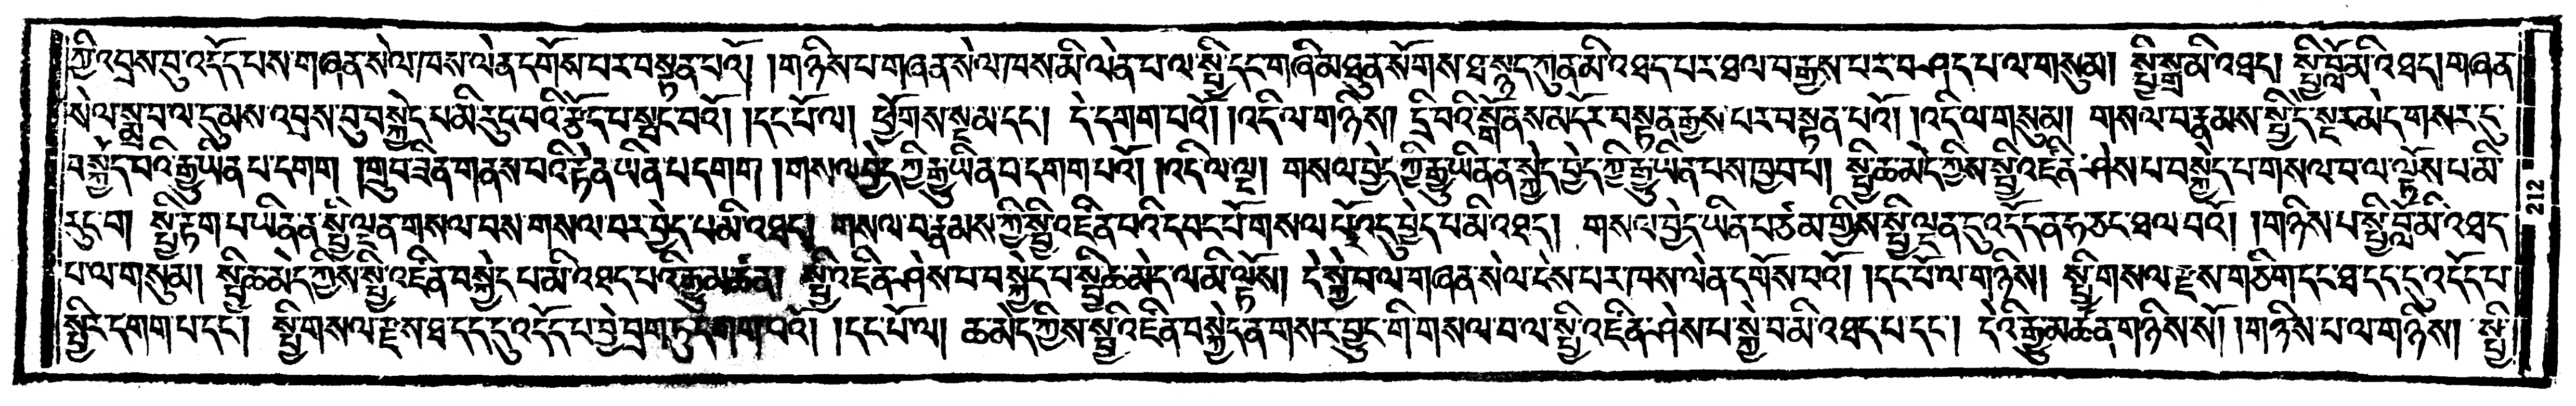ཀྱི་འབྲས་བུ་འདོད་པས་གཞན་སེལ་ཁས་ལེན་དགོས་པར་བསྟན་པའོ། །གཉིས་པ་གཞན་སེལ་ཁས་མི་ལེན་པ་ལ་སྤྱི་དང་གཞི་མཐུན་སོགས་ཐ་སྙད་ཀུན་མི་འཐད་པར་ཐལ་པ་རྒྱས་པར་བཤད་པ་ལ་གསུམ། སྤྱི་སྒྲ་མི་འཐད། སྤྱི་བློ་མི་འཐད། གཞན་
སེལ་སྨྲ་བ་ལ་དུ་མས་འབྲས་བུ་བསྐྱེད་པ་མི་རུང་བའི་རྩོད་པ་སྤང་བའོ། །དང་པོ་ལ། ཕྱོགས་སྔ་མ་དང་། དེ་དགག་པའོ། །འདི་ལ་གཉིས། དྲི་བའི་སྒོ་ནས་མདོར་བསྟན་རྒྱས་པར་བསྟན་པའོ། །འདི་ལ་གསུམ། གསལ་བ་རྣམས་སྤྱི་དེ་སྔར་མེད་གསར་དུ་
བསྐྱོད་པའི་རྒྱུ་ཡིན་པ་དགག །གྲུབ་ཟིན་གནས་པའི་རྟེན་ཡིན་པ་དགག །གསལ་བྱེད་ཀྱི་རྒྱུ་ཡིན་པ་དགག་པའོ། །འདི་ལ་ལྔ། གསལ་བྱེད་ཀྱི་རྒྱུ་ཡིན་ན་སྐྱེད་བྱེད་ཀྱི་རྒྱུ་ཡིན་པས་ཁྱབ་པ། སྤྱི་ཆ་མེད་ཀྱིས་སྤྱི་འཛིན་ཤེས་པ་བསྐྱེད་པ་གསལ་བ་ལ་ལྟོས་པ་མི་
རུང་བ། སྤྱི་རྟག་པ་ཡིན་ན་སྤྱི་ལྡན་གསལ་བས་གསལ་བར་བྱེད་པ་མི་འཐད། གསལ་བ་རྣམས་ཀྱི་སྤྱི་འཛིན་པའི་དབང་པོ་གསལ་པོ་འདུ་བྱེད་པ་མི་འཐད། གསལ་བྱེད་ཡིན་པ་ཙམ་གྱིས་སྤྱི་ལྡན་དུ་འདོད་ན་ཧ་ཅང་ཐལ་བའོ། །གཉིས་པ་སྤྱི་བློ་མི་འཐད་
པ་ལ་གསུམ། སྤྱི་ཆ་མེད་ཀྱིས་སྤྱི་འཛིན་བསྐྱེད་པ་མི་འཐད་པའི་རྒྱུ་མཚན། སྤྱི་འཛིན་ཤེས་པ་བསྐྱེད་པ་སྤྱི་ཆ་མེད་ལ་མི་ལྟོས། དེ་སྐྱེ་བ་ལ་གཞན་སེལ་ངེས་པར་ཁས་ལེན་དགོས་པའོ། །དང་པོ་ལ་གཉིས། སྤྱི་གསལ་རྫས་གཅིག་དང་ཐ་དད་དུ་འདོད་པ་
སྤྱིར་དགག་པ་དང་། སྤྱི་གསལ་རྫས་ཐ་དད་དུ་འདོད་པ་བྱེ་བྲག་ཏུ་དགག་པའོ། །དང་པོ་ལ། ཆ་མེད་ཀྱིས་སྤྱི་འཛིན་བསྐྱེད་ན་གསར་བྱུང་གི་གསལ་བ་ལ་སྤྱི་འཛིན་ཤེས་པ་སྐྱེ་བ་མི་འཐད་པ་དང་། དེའི་རྒྱུ་མཚན་གཉིས་སོ། །གཉིས་པ་ལ་གཉིས། སྤྱི་